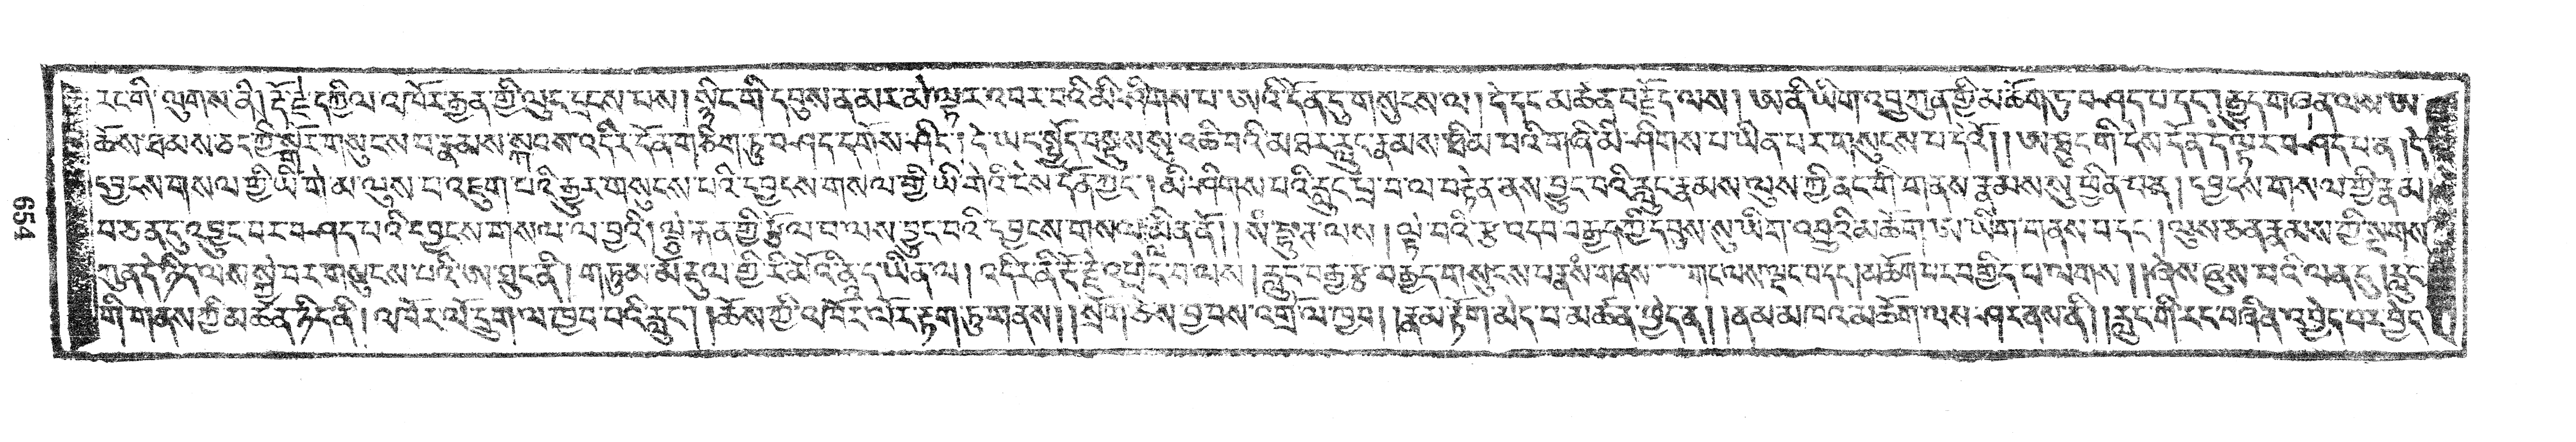རང་གི་ལུགས་ནི། རྡོ་རྗེ་དཀྱིལ་འཁོར་རྒྱན་གྱི་ལུང་དྲངས་པས། སྙིང་གི་དབུས་ན་མར་མེ་ལྟར་འབར་བའི་མི་ཤིགས་པ་ཨཱི་དོན་དུ་གསུངས་ལ། དེ་དང་མཚན་བརྗོད་ལས། ཨ་ནི་ཡིག་འབྲུ་ཀུན་གྱི་མཆོག་ཏུ་བཤད་པ་དང་། རྒྱུད་གཞན་ལས་ཨ་
ཆོས་ཐམས་ཅད་ཀྱི་སྒོར་གསུངས་པ་རྣམས་སྐབས་འདིར་དོན་གཅིག་ཏུ་བཤད་དགོས་ཤིང་། དེ་ཡང་སྤྱོད་བསྡུས་སུ་འཆི་བའི་མཐར་རླུང་རྣམས་ཐིམ་པའི་གཞི་མི་ཤིགས་པ་ཡིན་པར་གསུངས་པ་དེའོ། །ཨ་ཐུང་གི་དེས་དོན་དེ་ལྟར་བཤད་པ་ན། དེ་
དབྱངས་གསལ་གྱི་ཡི་གེ་མ་ལུས་པ་འཇུག་པའི་རྒྱུར་གསུངས་པའི་དབྱངས་གསལ་གྱི་ཡི་གེའི་ངེས་དོན་ཀྱང་། མི་ཤིགས་པའི་རླུང་ཕྲ་བ་ལ་བརྟེན་ནས་བྱུང་བའི་རླུང་རྣམས་ལུས་ཀྱི་ནང་གི་གནས་རྣམས་སུ་ཕྱིན་པ་ན། དབྱངས་གསལ་གྱི་རྣམ་
པ་ཅན་དུ་འབྱུང་བར་བཤད་པའི་དབྱངས་གསལ་ལ་བྱའི། ལྕེ་རྐན་གྱི་རྩོལ་བ་ལས་བྱུང་བའི་དབྱངས་གསལ་ལ་མིན་ནོ། །སཾ་བྷུ་ཊ་ལས། ལྟེ་བའི་རྩ་འདབ་བརྒྱད་ཀྱི་དབུས་སུ་ཡིག་འབྲུའི་མཆོག་ཨ་ཡིག་གནས་པ་དང་། ལུས་ཅན་རྣམས་ཀྱི་སྔགས་
ཀུན་དེ་ཉིད་ལས་སྐྱེ་བར་གསུངས་པའི་ཨ་ཐུང་ནི། གཏུམ་མོ་རྡུལ་གྱི་རི་མོའི་ནཱ་ད་ཡིན་ལ། འདིར་ནི་རྡོ་རྗེ་འཕྲེང་བ་ལས། རླུང་བརྒྱ་རྩ་བརྒྱད་གསུངས་པ་རྣམས་གནས་གང་ལས་ལྡང་བ་དང་། མཆོག་པར་བགྱིད་པ་ལགས། །ཞེས་ཞུས་པའི་ལན་དུ། རླུང་
གི་གནས་ཀྱི་མཚན་ཉིད་ནི། འཁོར་ལོ་དྲུག་ལ་ཁྱབ་པའི་རླུང་། །ཆོས་ཀྱི་འཁོར་ལོར་རྟག་ཏུ་གནས། །སྲོག་ཅེས་བྱ་བས་འགྲོ་ལ་ཁྱབ། །རྣམ་རྟོག་མེད་པ་མཚན་ཕྱེད་ན། །ནམ་མཁའ་མཆོག་ལས་ཤར་ནས་ནི། །རླུང་གི་རང་བཞིན་འབྱེད་པར་བྱེད། །